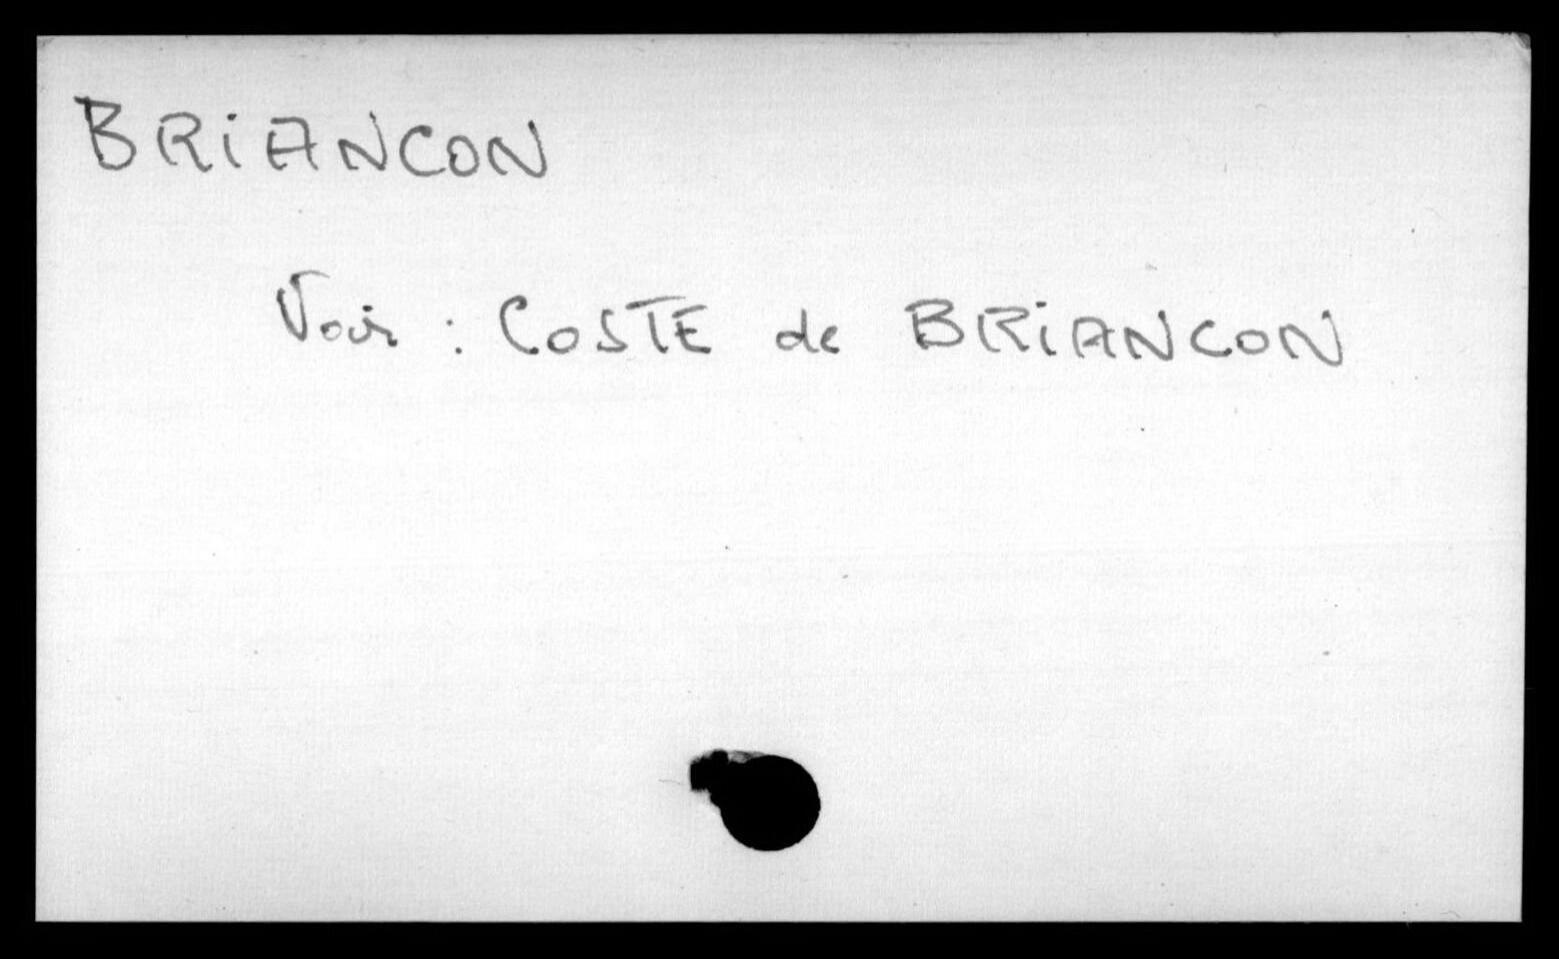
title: BRIANCON
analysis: Voir : COSTE de BRIANCON
